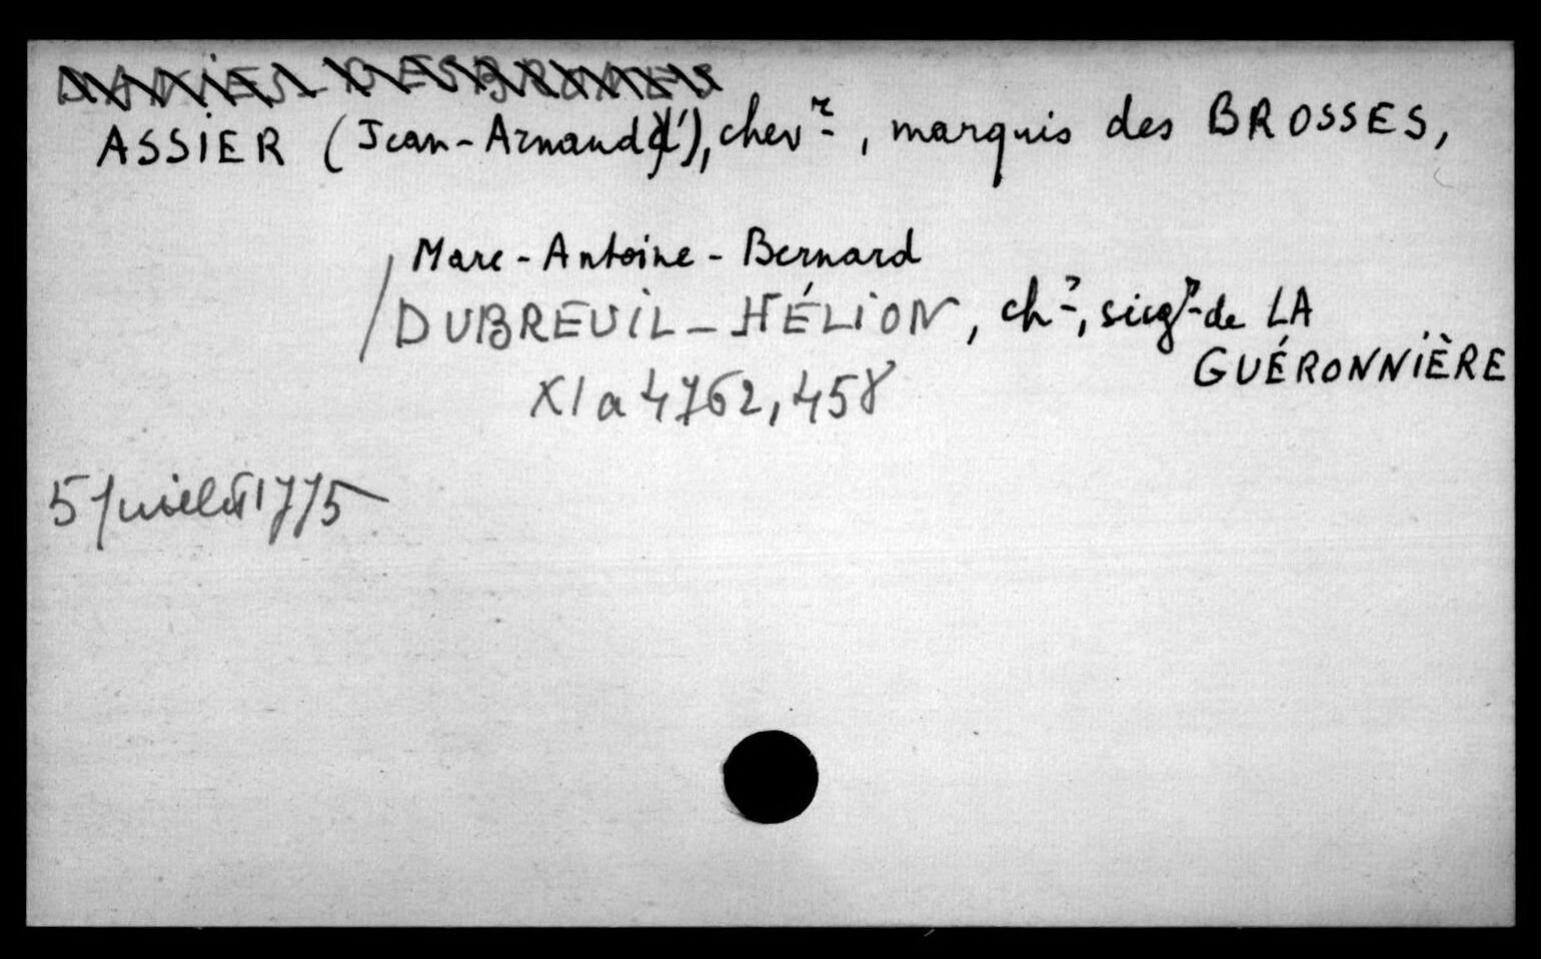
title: ASSIER (Jean-Arnand d'), chevalier, marquis des BROSSES
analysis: Contre Marc-Antoine-Bernard DUBREUIL-HÉLION, chevalier, seigneur de LA GUERONNIÈRE
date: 5 juillet 1775
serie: X1a
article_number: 4762
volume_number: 458
